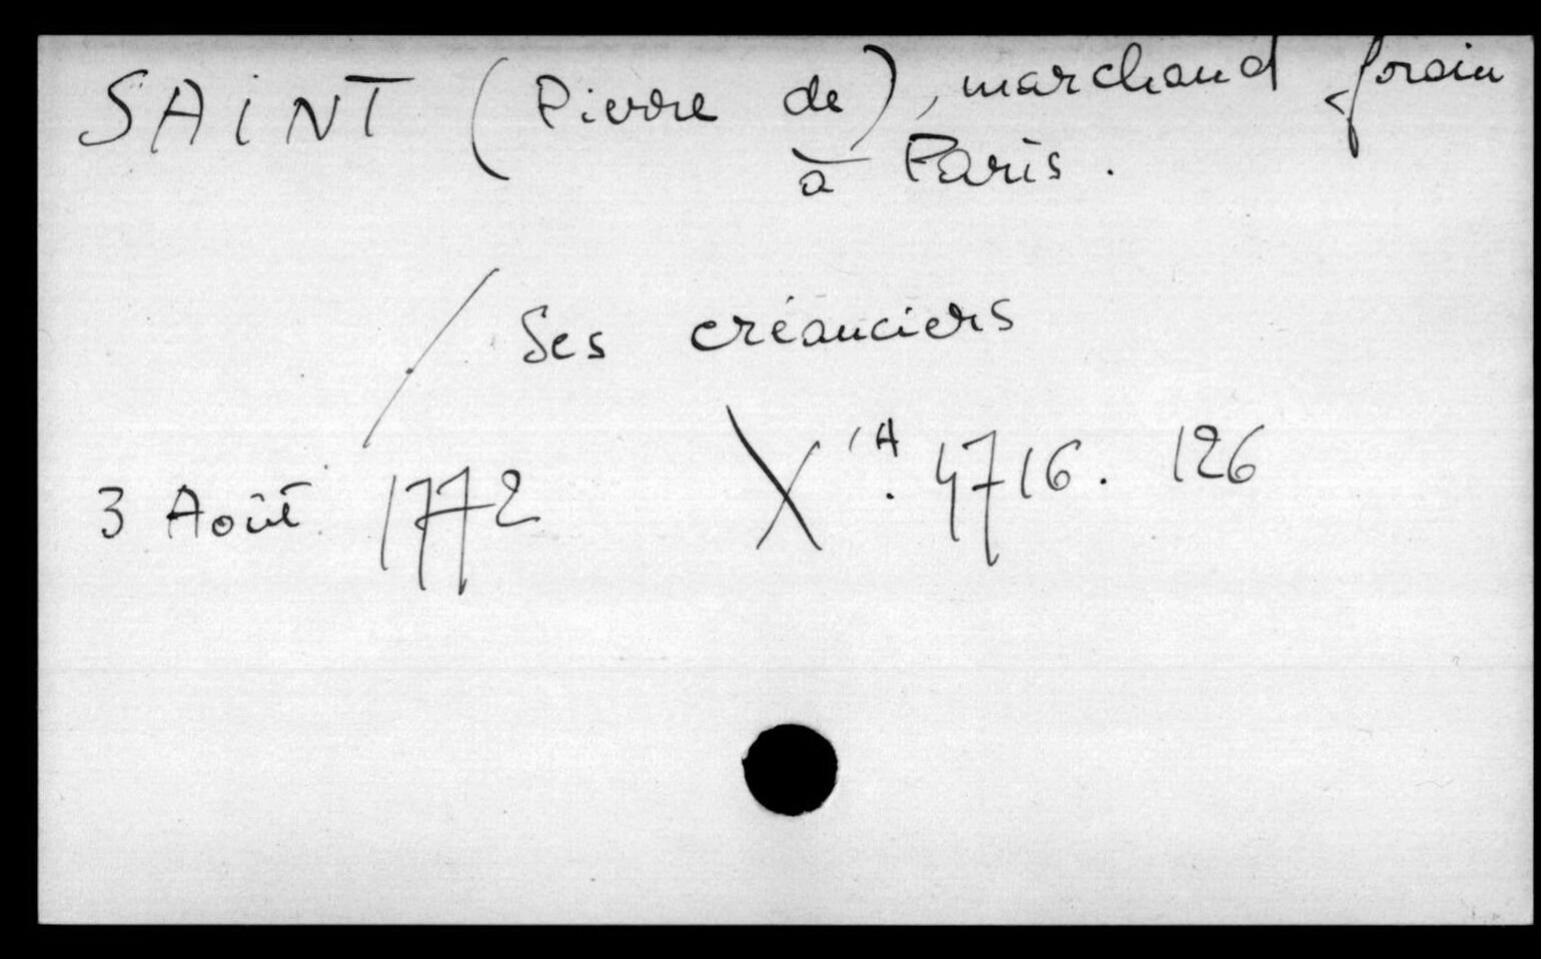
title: SAINT (Pierre de), marchand forain à Paris.
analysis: Contre ses créanciers
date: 3 août 1772
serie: X1A
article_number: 4716
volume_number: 126
